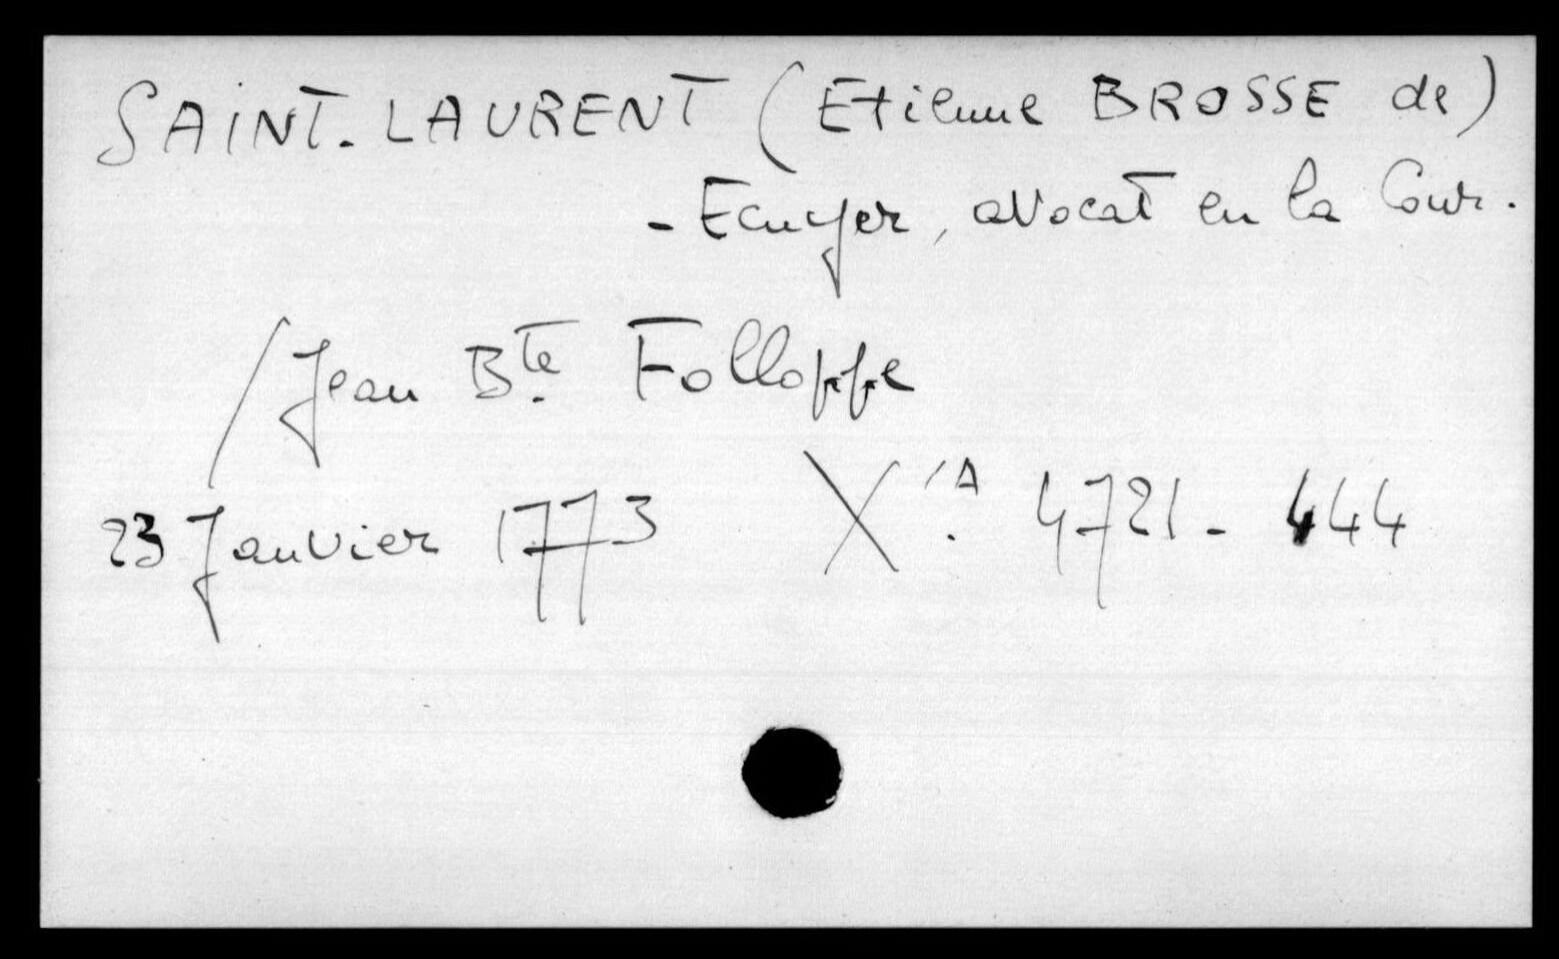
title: SAINT-LAURENT (Etienne BROSSE de) - Ecuyer, avocat en la cour.
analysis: Contre Jean-Baptiste Folloppe
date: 23 janvier 1773
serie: X1A
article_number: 4721
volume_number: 444
